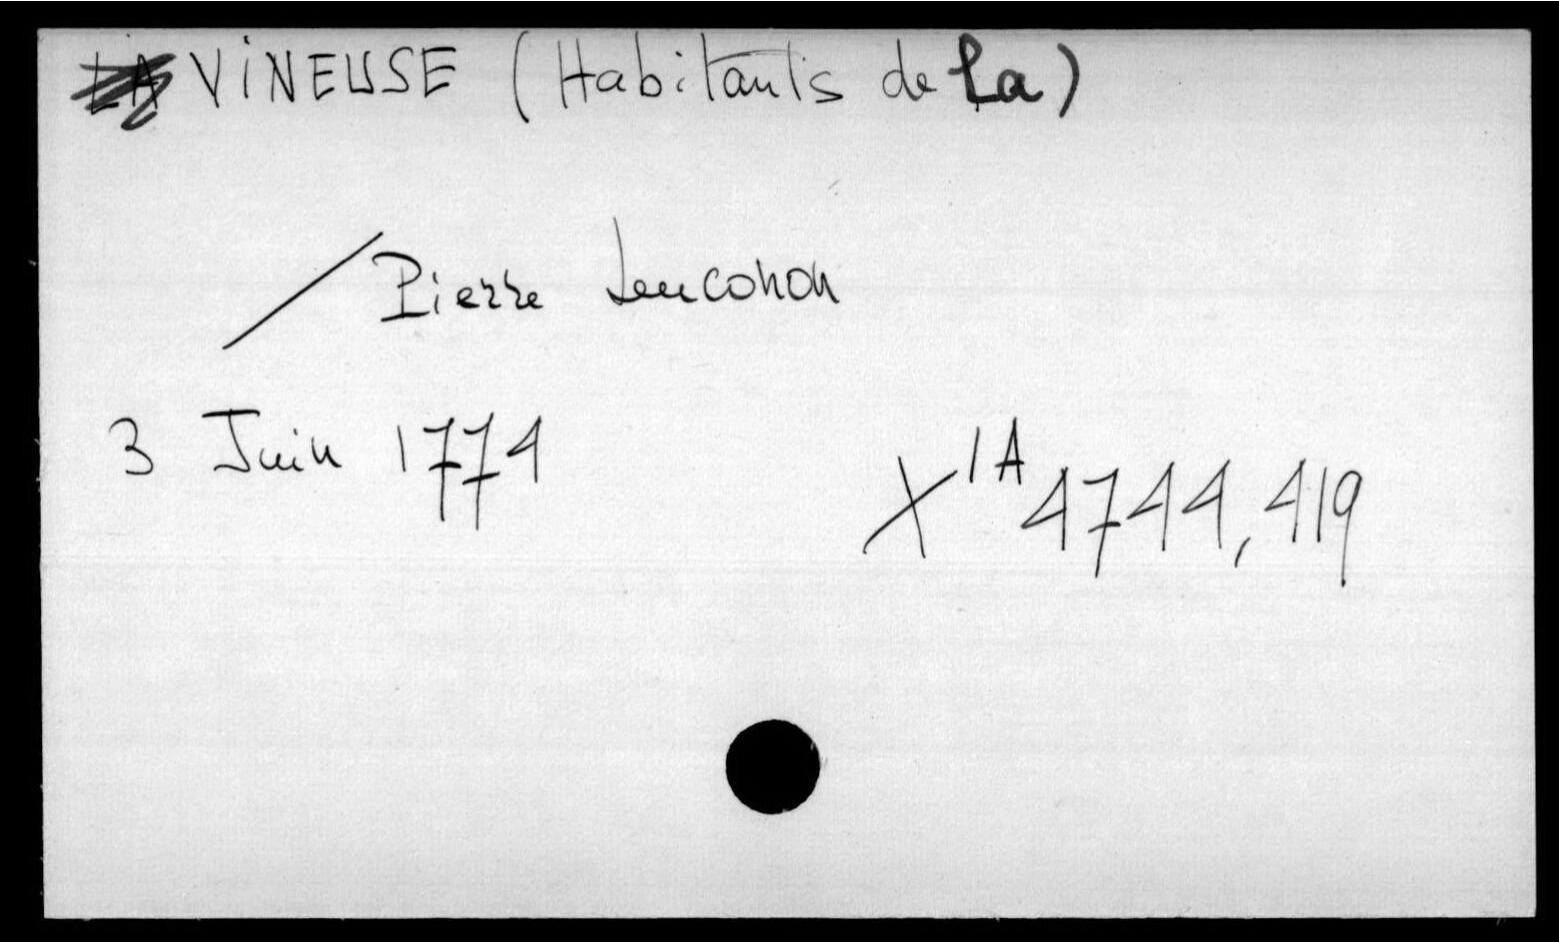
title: VINEUSE (Habitants de la)
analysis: Contre Pierre Leuconon
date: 3 juin 1774
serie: X1A
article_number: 4744
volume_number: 419
